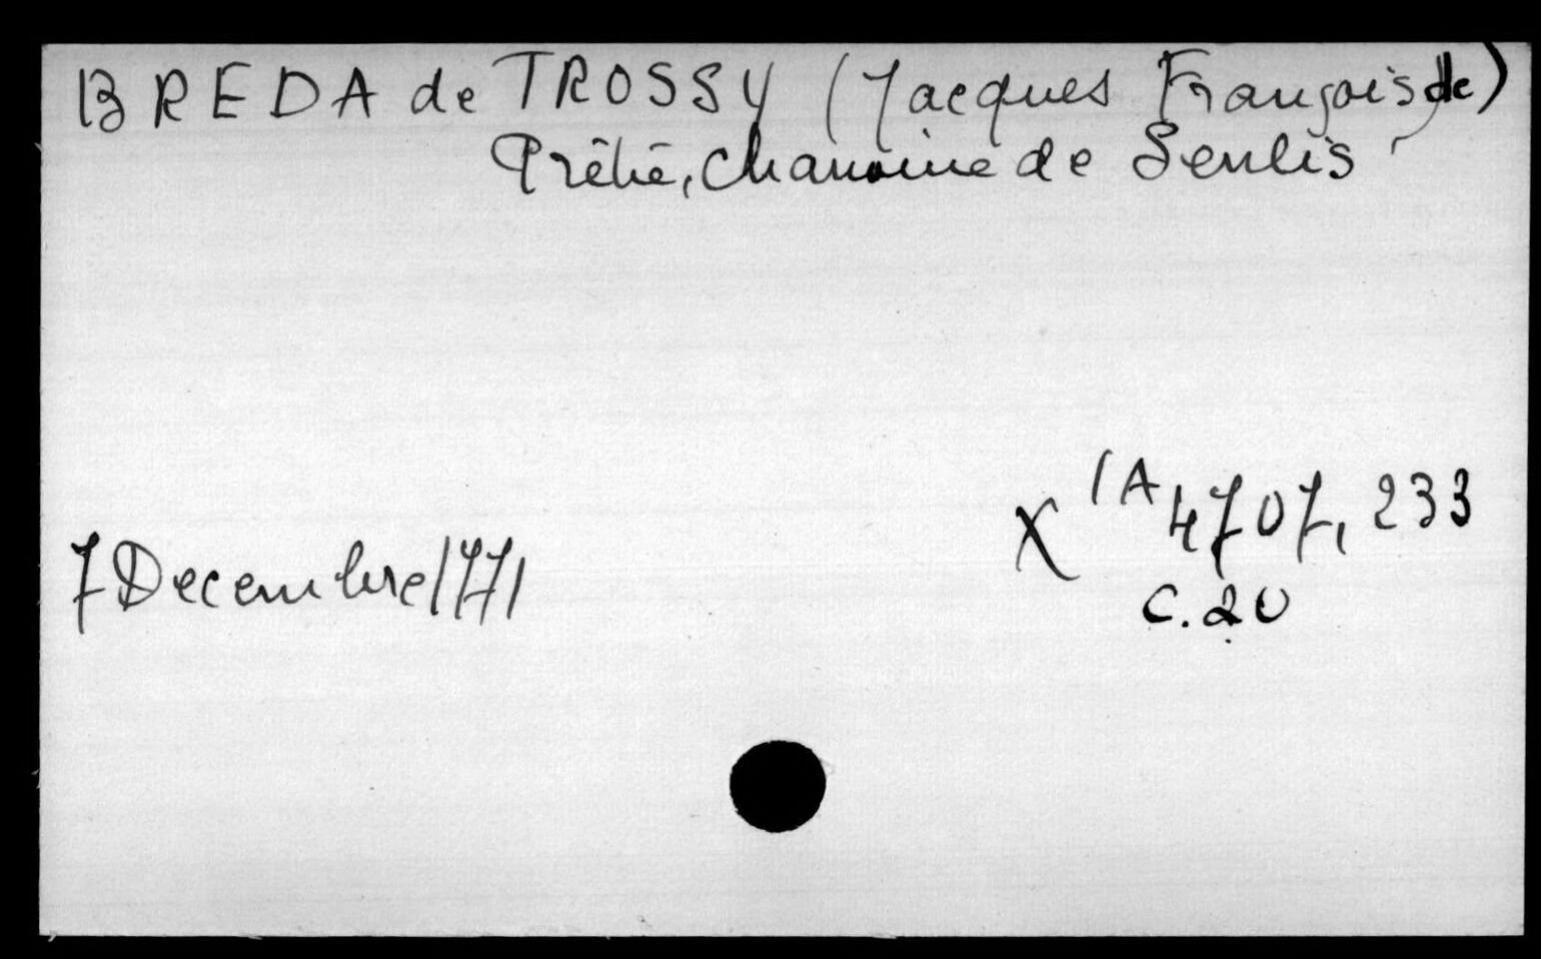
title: BREDA de TROSSY (Jacques François de) Prêtre, chanoine de Senlis
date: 7 décembre 1771
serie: X1A
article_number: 4707
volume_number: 233 Conseil, 20
